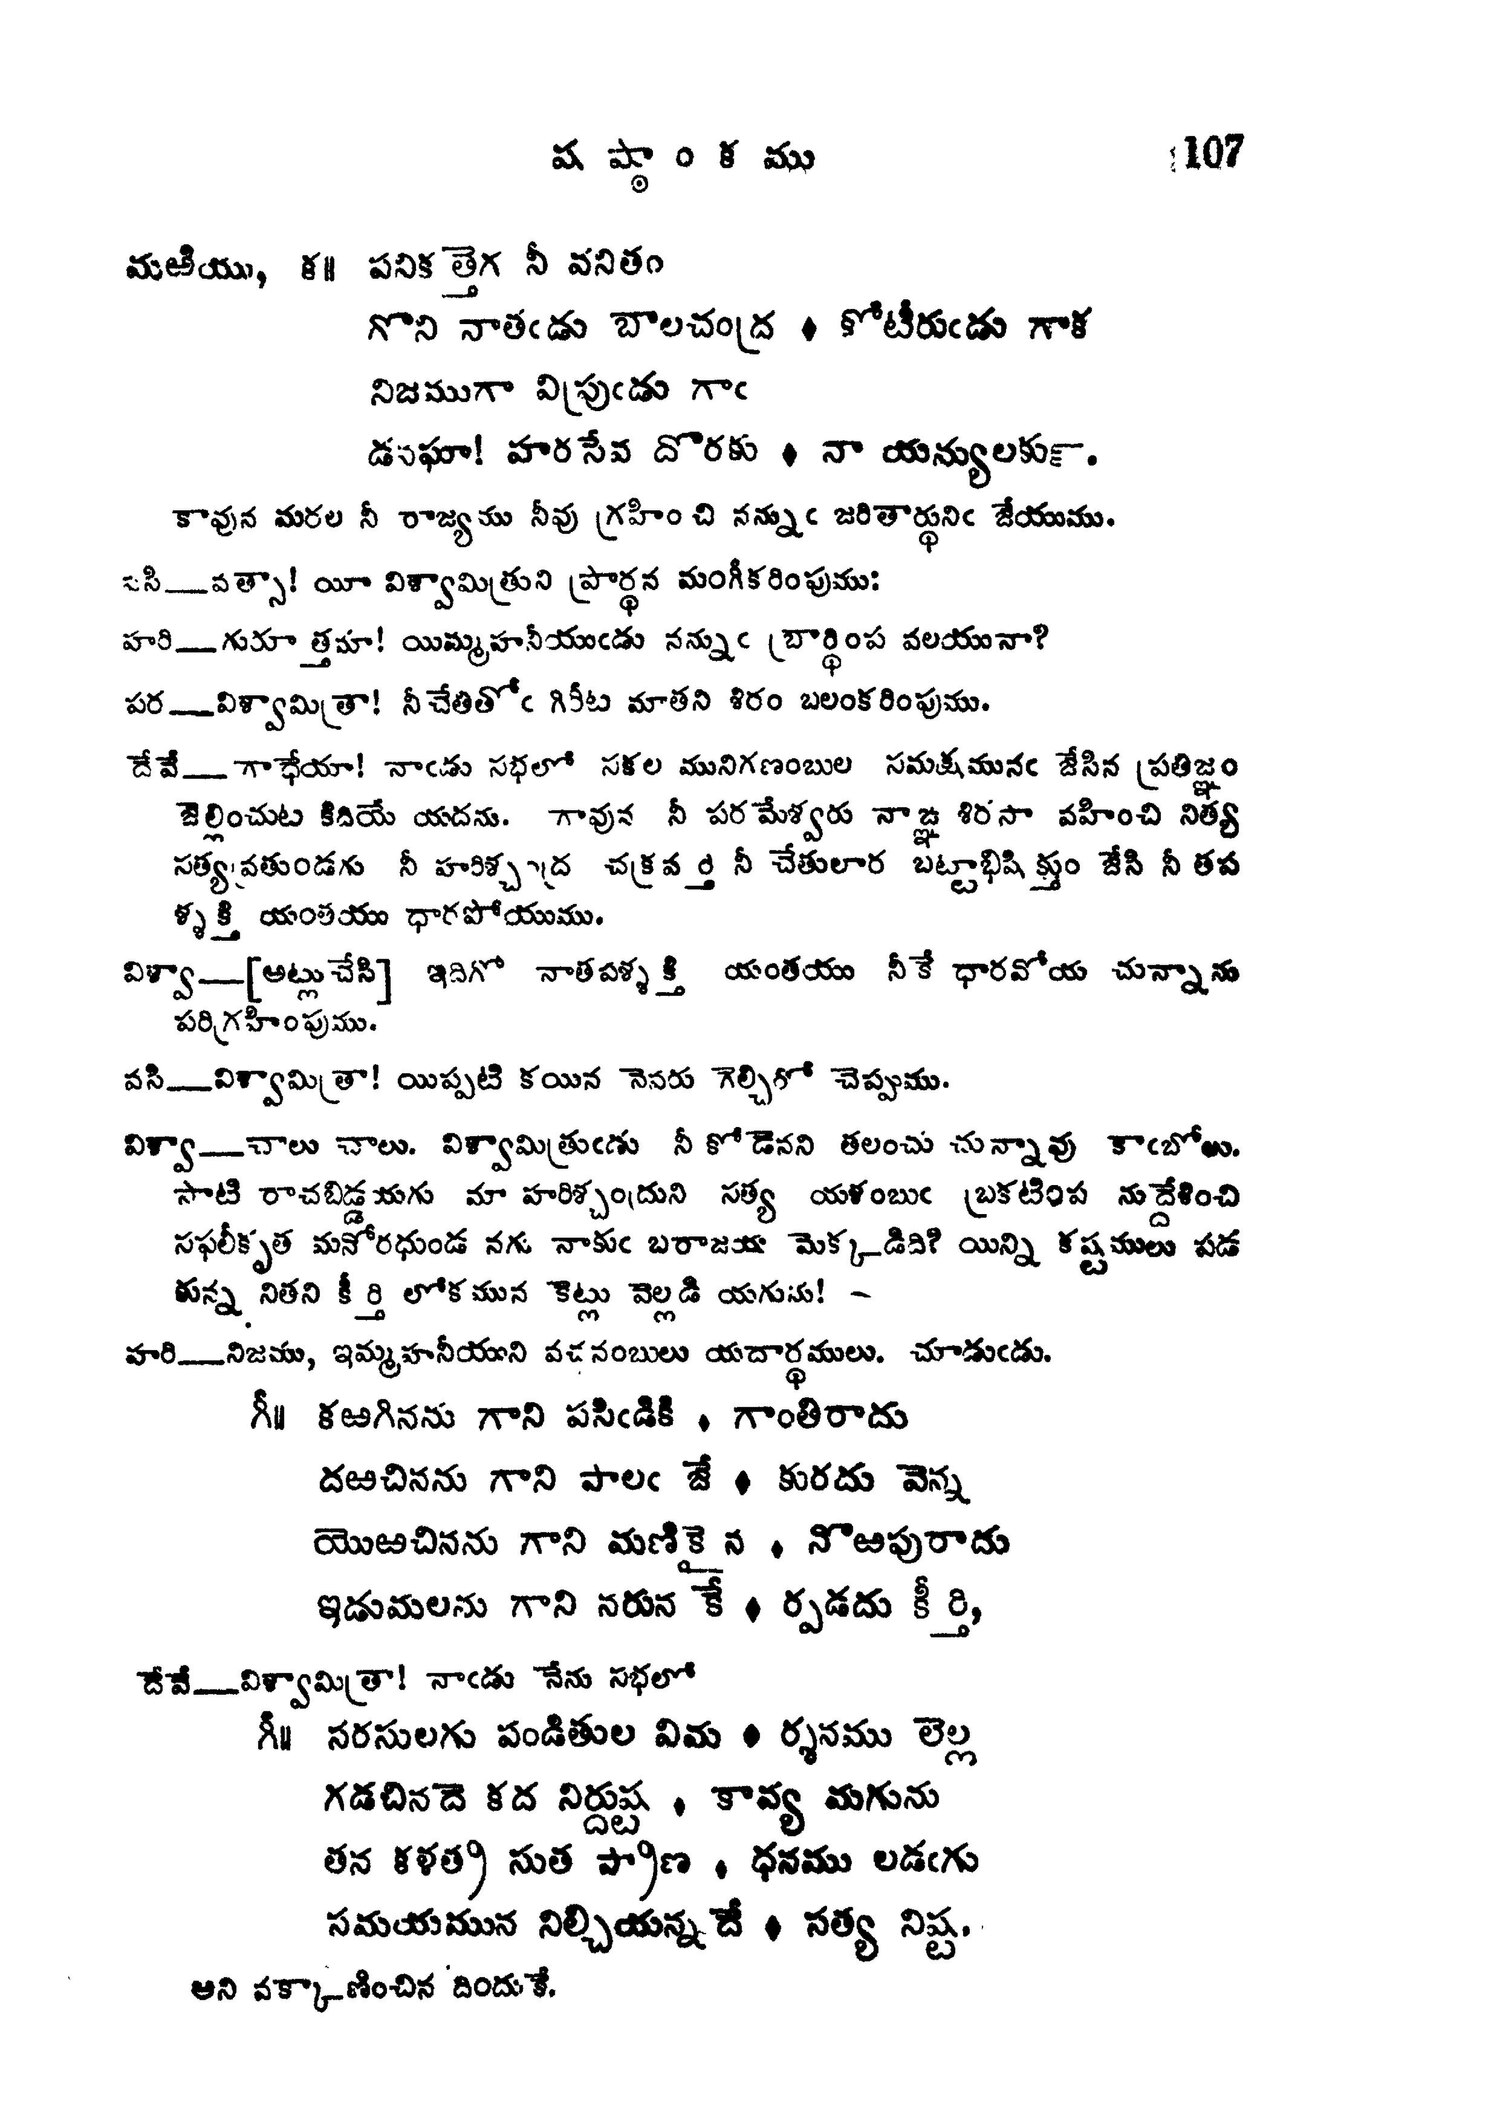మఱియు

క. పనికత్తెగ నీ వనితం
గొనినాతఁడు బాలచంద్ర కోటీరుఁడు గాక 
నిజముగా విప్రుఁడుగా
డనఘా! హర సేవ దొరకు నా యన్యులకున్‌?

కావున మరల నీ రాజ్యము నీవు గ్రహించి నన్నుం జరితార్థుని జేయుము.

వసి - 	వత్సా! ఈ విశ్వామిత్రుని ప్రార్థన మంగీకరించుము.

హరి - 	గురూత్తమా! ఇమ్మహనీయుడు ప్రార్థింపవలయునా!

పర - 	విశ్వామిత్రా! నీ చేతిలో గిరీట మాతని శిరం బలంకరింపుము.

దేవే - 	గాధేయా! నాఁడు సకల మునిగణంబుల సమక్షమునఁ జేసిన ప్రతిజ్ఞ చెల్లించుట కిదియే యదను. కావున నీ పరమేశ్వరాజ్ఞ శిరసావహించి నిత్య సత్యవ్రతుండగు నీ హరిశ్చంద్ర చక్రవర్తిని జేతులార బట్టాభిషేక్తుం జేసి నీ తపశ్శక్తి యంతయు ధారబోయుము.

విశ్వా - 	(అట్లుజేసి) ఇదిగో నా తపశ్శక్తి యంతయు ధారబోయుచున్నాను. పరిగ్రహింపుము.

వసి: 	విశ్వామిత్రా! ఇప్పటికైనా నెవరు గెల్చిరో చెప్పుము.

విశ్వా - 	చాలు, చాలు. విశ్వామిత్రుడు నీకోడెనని తలంచుచున్నావు కాబోలు! సాటి రాచ బిడ్డయగు మా హరిశ్చంద్రుని సత్యయశముం బ్రకటింప నుద్దేశించి సఫలీకృత మనోరధుండమగు మాకు బరాజయ మెక్కడిది? ఇన్ని కష్టముల పడకున్న నితని కీర్తి లోకమున కెట్లు వెల్లడి యగును?

హరి - 	నిజము. ఇమ్మహనీయుని వచనంబులు యధార్థములు. చూడుఁడు

గీ. 	కరగినను గాని పసిడికి గాంతి రాదు
తఱచినను గాని పాల జేకురదు వెన్న
యొరసినను గాని మణికైన నొఱపు రాదు
ఇడుములనుగాని నరున కేర్పడదు కీర్తి.

దేవేం - 	విశ్వామిత్రా! నాడు నేను సభలో

గీ. 	సరసులగు పండితుల విమర్శనము లెల్లం
గడచినదె కద నిర్దుష్ట కావ్యమగును
తన కళత్ర సుత ప్రాణ ధనములుడుగ
సమయమున నిల్చి యున్నదే సత్యనిష్ఠ.

అని వక్కాణించిన దిందుకే.